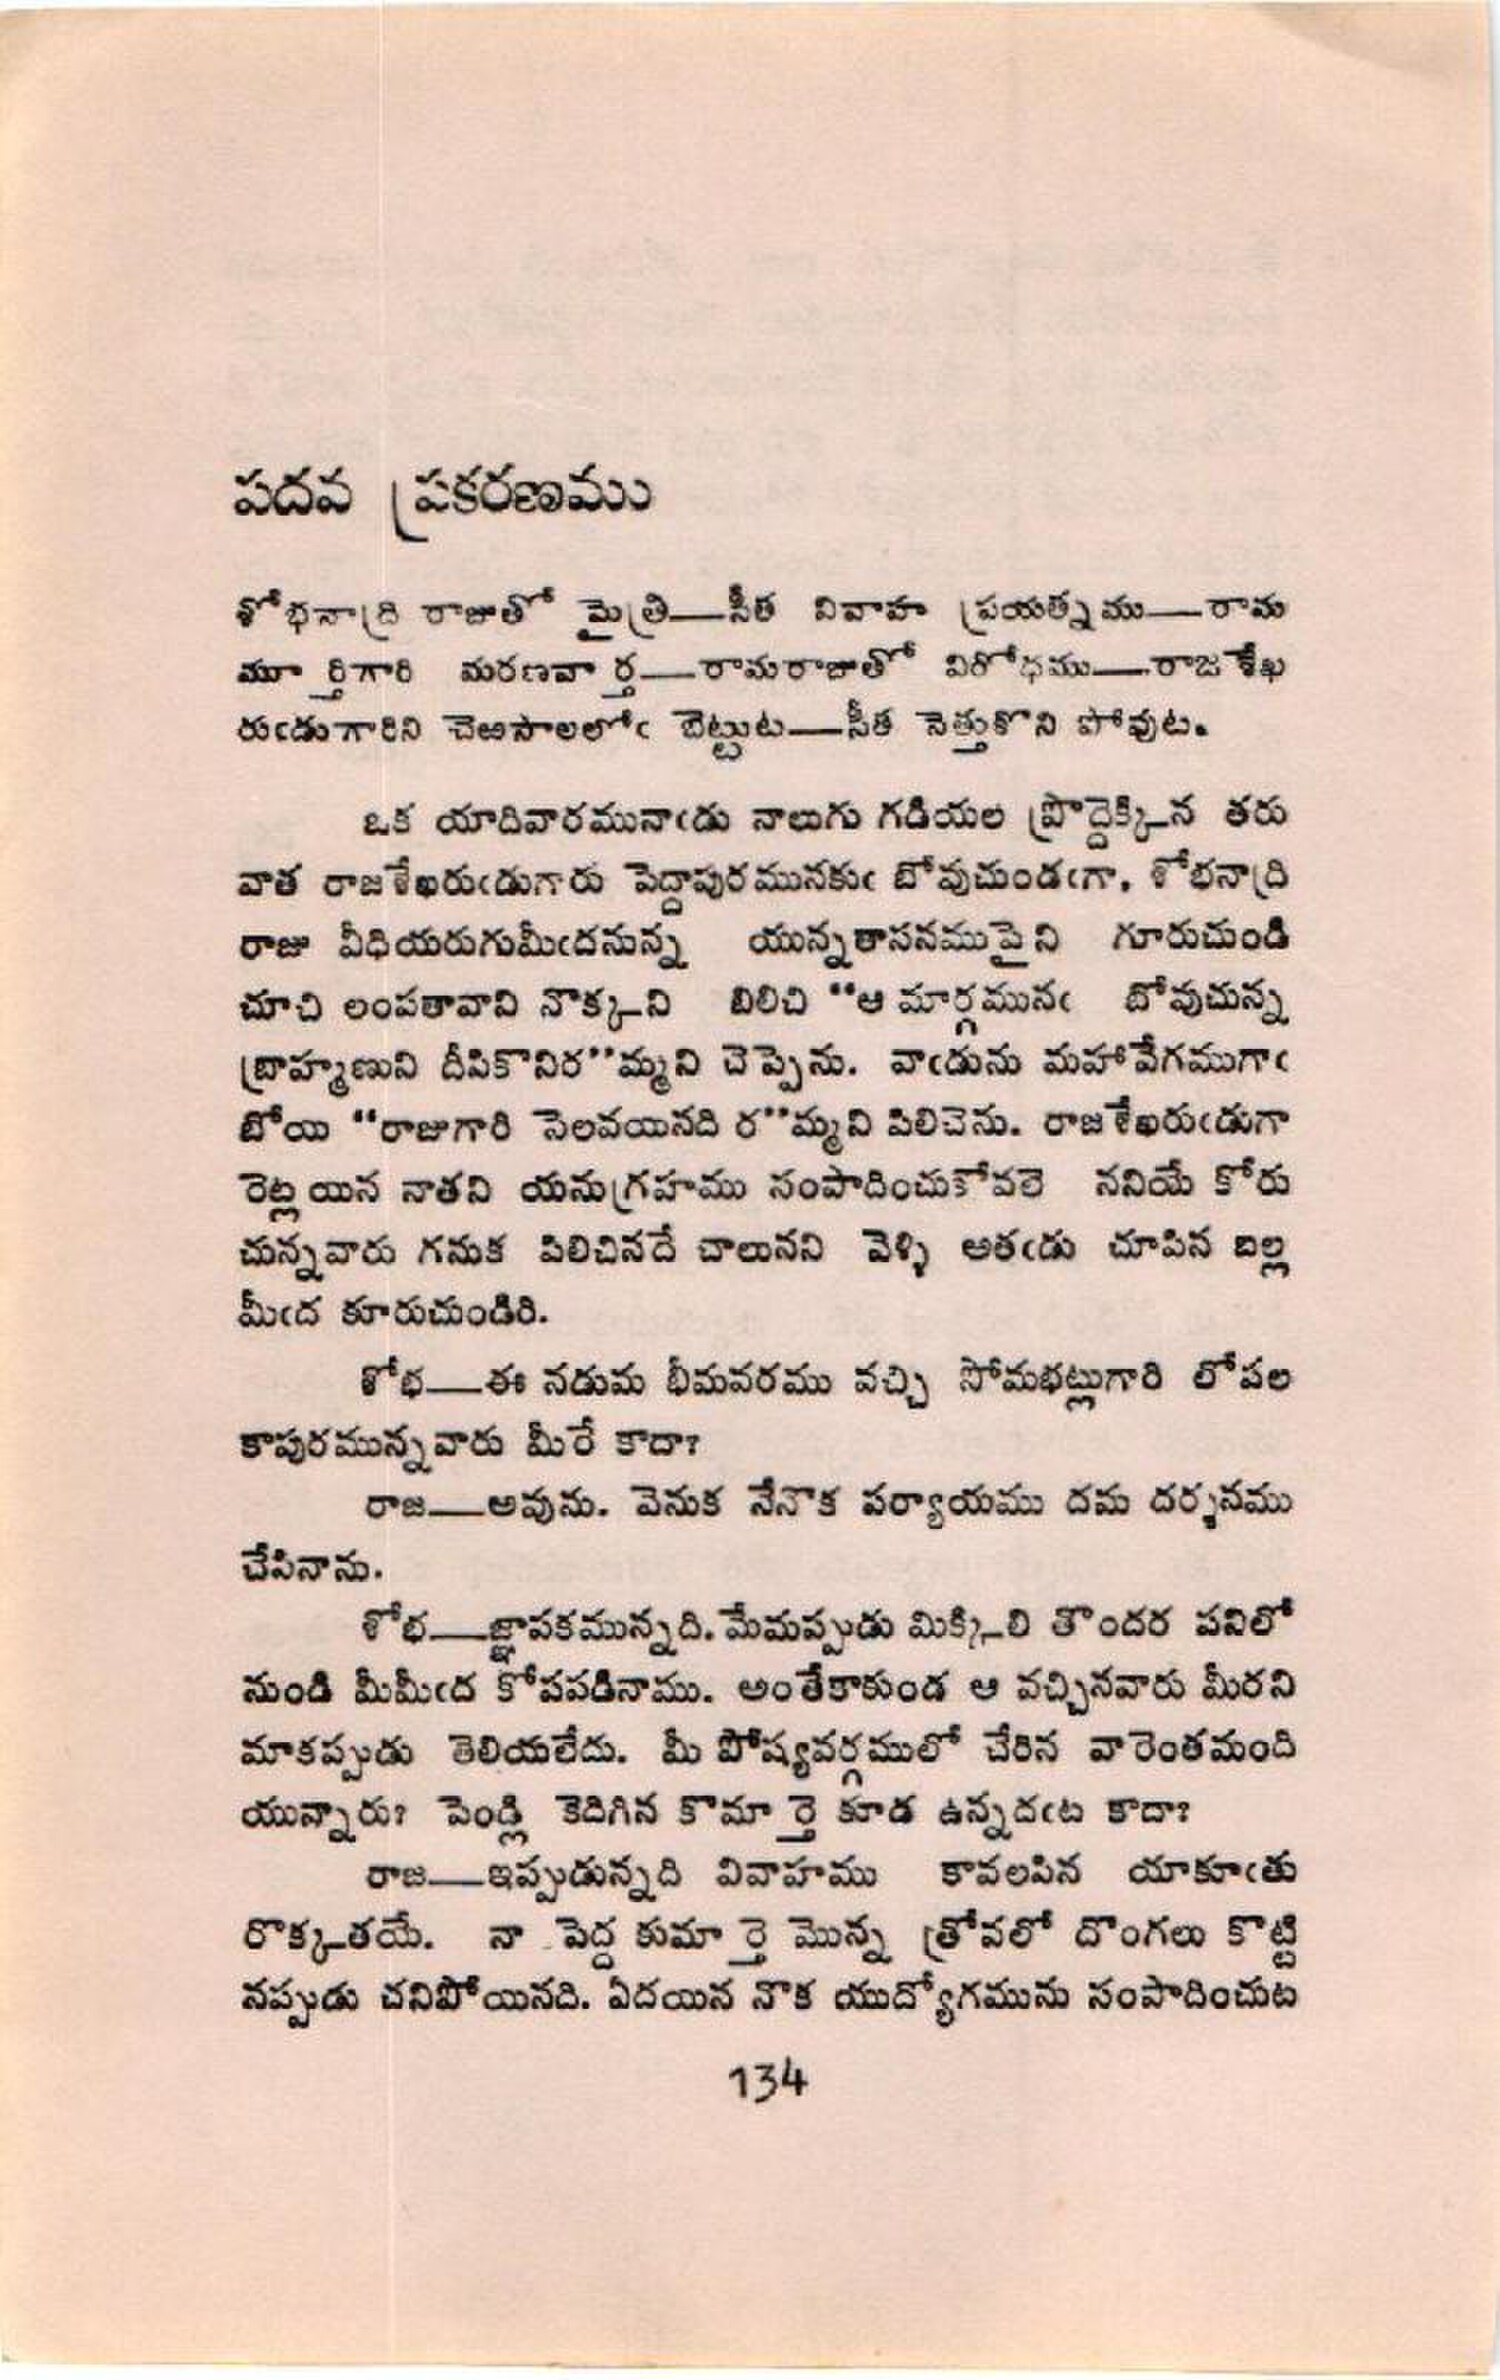పదవ ప్రకరణము

 
ఒక యాదివారమునాఁడు నాలుగు గడియల ప్రొద్దెక్కిన తరు వాత రాజశేఖరుఁడుగారు పెద్దాపురమునకుఁ బోవుచుండగా, శోభనాద్రి రాజు వీధియరుగుమీఁదనున్న యున్నతాసనముపైని గూరుచుండి చూచి లంపతావాని నొక్కని బిలిచి "ఆ మార్గమునఁ బోవుచున్న బ్రాహ్మణుని దీసికొనిర"మ్మని చెప్పెను. వాఁడును మహా వేగముగా బోయి "రాజుగారి సెలవయినది ర"మ్మని పిలిచెను. రాజశేఖరుఁడుగా రెట్లయిన నాతని యనుగ్రహము సంపాదించుకోవలె ననియే కోరు చున్నవారు గనుక పిలిచినదే చాలునని వెళ్ళి అతఁడు చూపిన బల్ల మీఁద కూరుచుండిరి.

శోభ__ఈ నడుమ భీమవరము వచ్చి సోమభట్లుగారి లోపల కాపురమున్నవారు మీరే కాదా?

రాజ__అవును. వెనుక నేనొక పర్యాయము దమ దర్శనము చేసినాను.

శోభ__జ్ఞాపకమున్నది.మేమప్పుడు మిక్కిలి తొందర పనిలో నుండి మీమీఁద కోపపడినాము. అంతేకాకుండ ఆ వచ్చినవారు మీరని మాకప్పుడు తెలియలేదు. మీ పోష్యవర్గములో చేరిన వారెంతమంది యున్నారు? పెండ్లి కెదిగిన కొమార్తె కూడ ఉన్నదఁట కాదా?

రాజ__ఇప్పుడున్నది వివాహము కావలసిన యాకూఁతు రొక్కతయే. నా పెద్ద కుమార్తె మొన్న త్రోవలో దొంగలు కొట్టి నప్పుడు చనిపోయినది. ఏదయిన నొక యుద్యోగమును సంపాదించుట